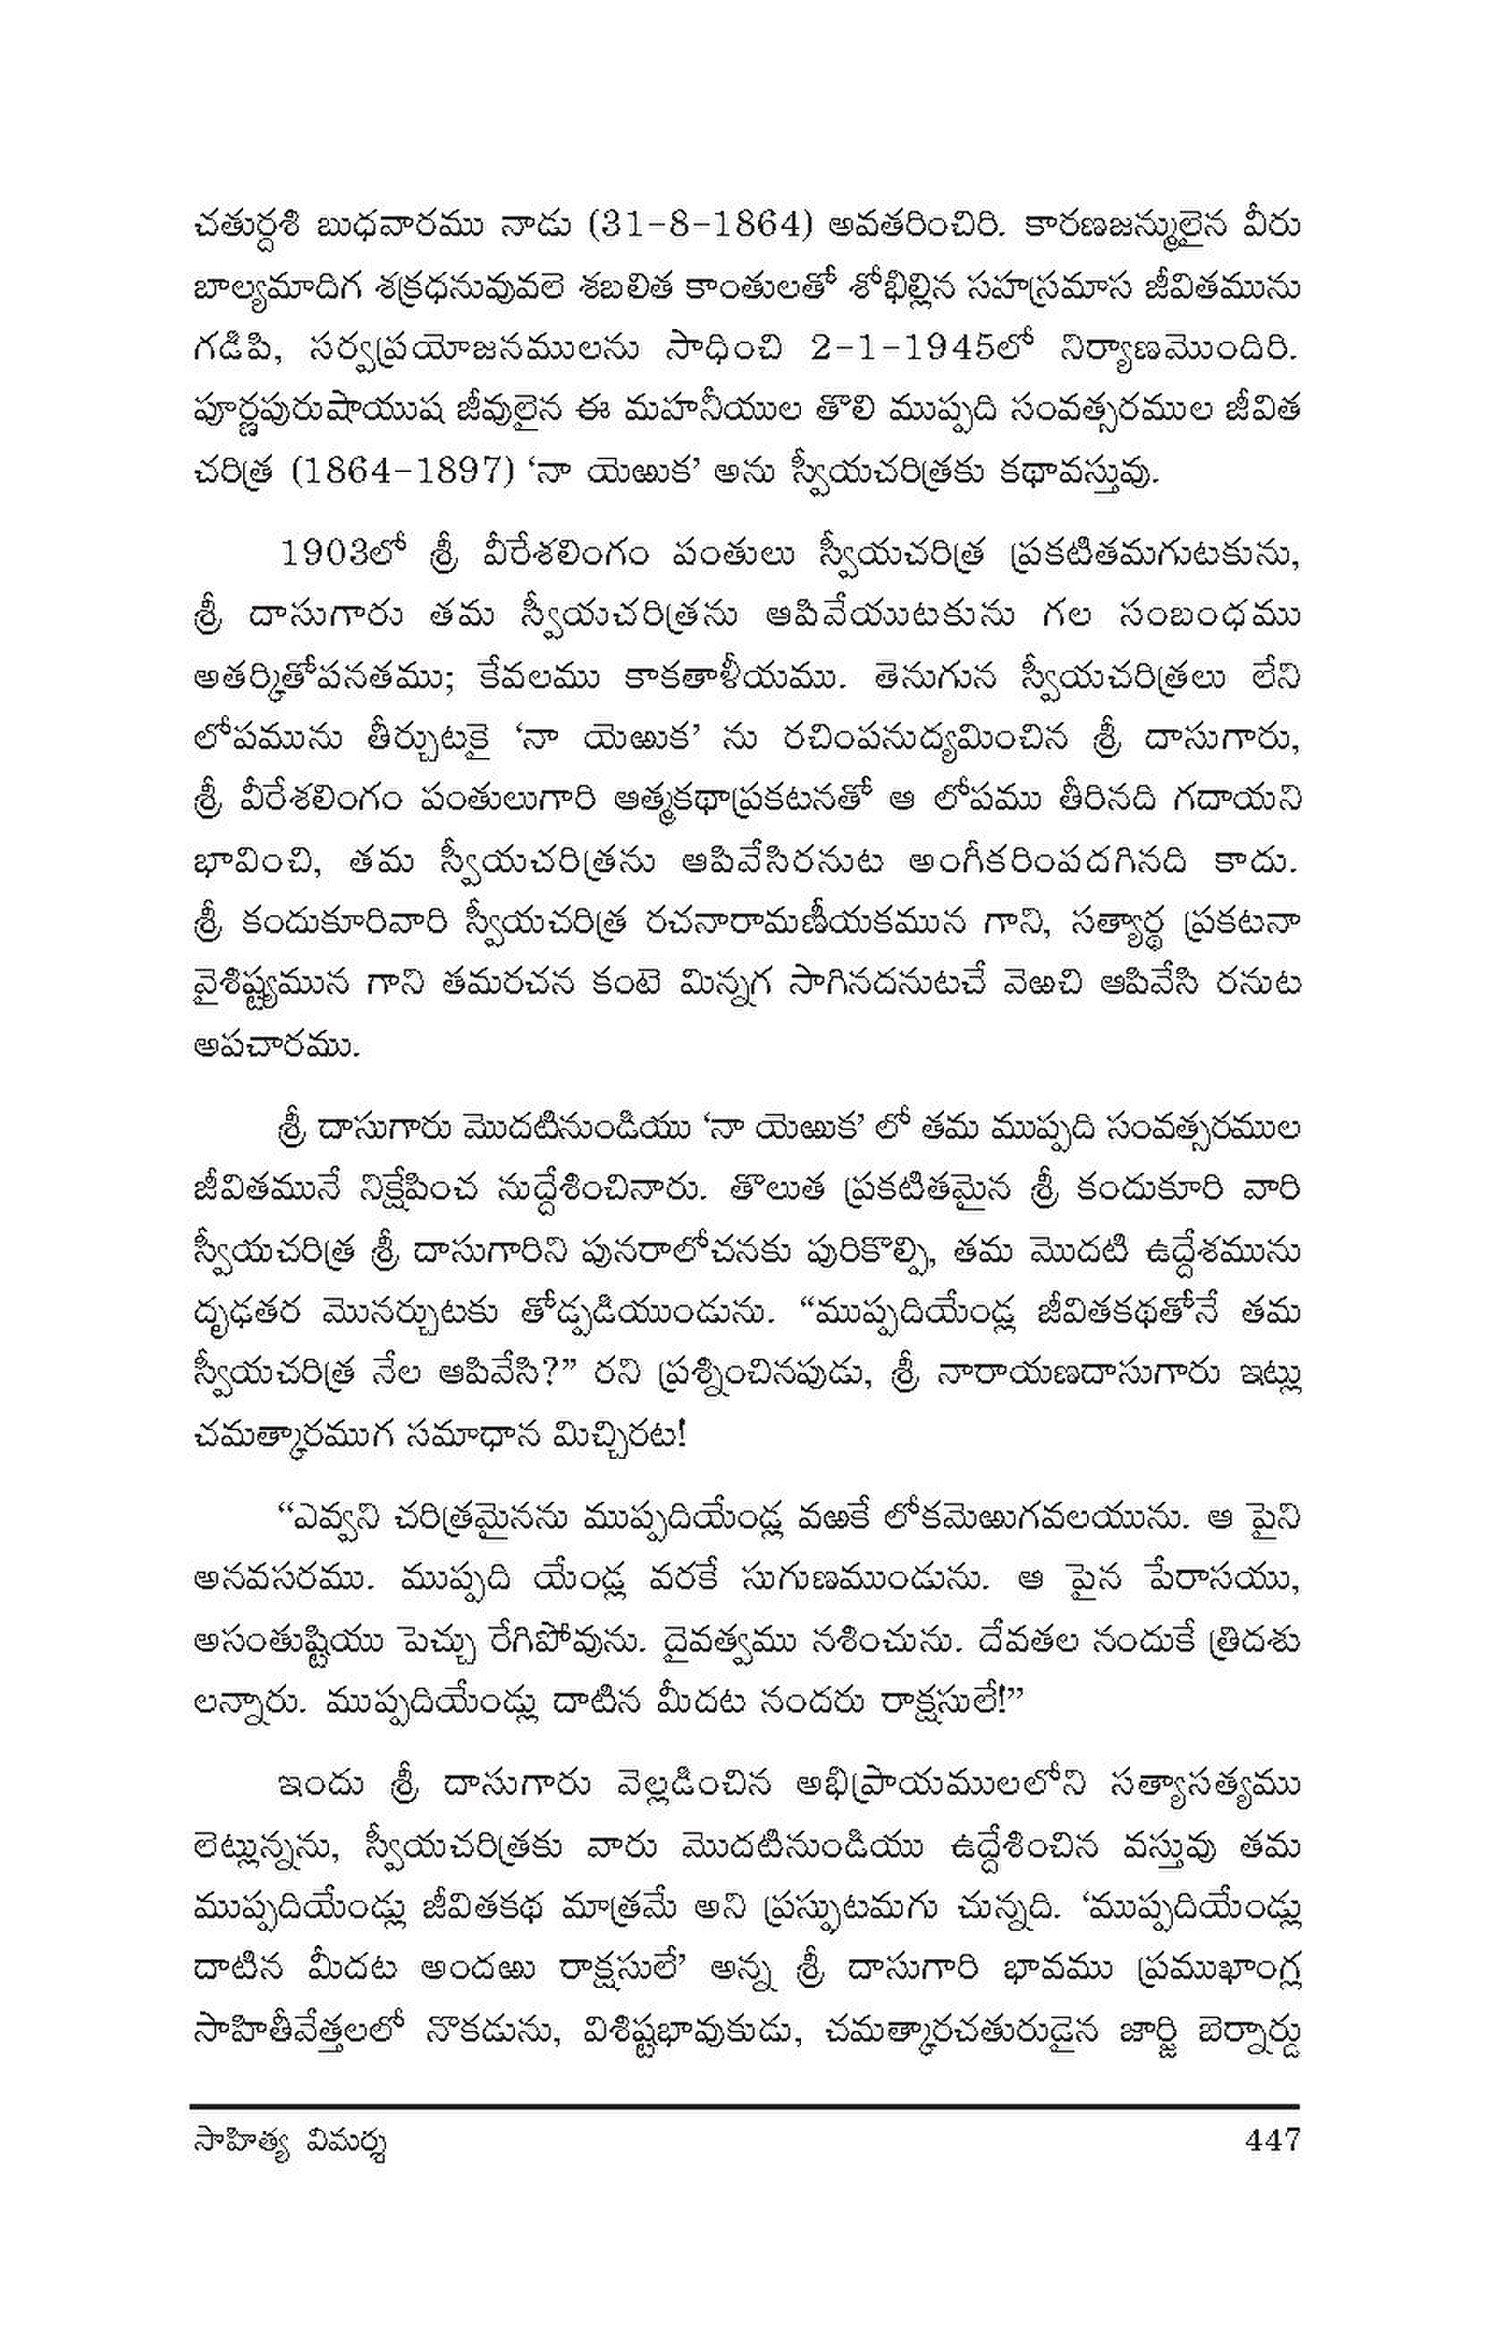చతుర్దశి బుధవారము నాడు (31-8-1864) అవతరించిరి. కారణజన్ములైన వీరు
బాల్యమాదిగ శక్రధనువువలె శబలిత కాంతులతో శోభిల్లిన సహస్రమాస జీవితమును
గడిపి, సర్వప్రయోజనములను సాధించి 2-1-1945లో నిర్యాణమొందిరి.
పూర్ణపురుషాయుష జీవులైన ఈ మహనీయుల తొలి ముప్పది సంవత్సరముల జీవిత
చరిత్ర (1864–1897) 'నా యెఱుక' అను స్వీయచరిత్రకు కథావస్తువు.

1903లో శ్రీ వీరేశలింగం పంతులు స్వీయచరిత్ర ప్రకటితమగుటకును,
శ్రీ దాసుగారు తమ స్వీయచరిత్రను ఆపివేయుటకును గల సంబంధము
అతర్కితోపనతము; కేవలము కాకతాళీయము. తెనుగున స్వీయచరిత్రలు లేని
లోపమును తీర్చుటకై 'నా యెఱుక' ను రచింపనుద్యమించిన శ్రీ దాసుగారు,
శ్రీ వీరేశలింగం పంతులుగారి ఆత్మకథాప్రకటనతో ఆ లోపము తీరినది గదాయని
భావించి, తమ స్వీయచరిత్రను ఆపివేసిరనుట అంగీకరింపదగినది కాదు.
శ్రీ కందుకూరివారి స్వీయచరిత్ర రచనారామణీయకమున గాని, సత్యార్థ ప్రకటనా
వైశిష్ట్యమున గాని తమరచన కంటే మిన్నగ సాగినదనుటచే వెఱచి ఆపివేసి రనుట
అపచారము.

శ్రీ దాసుగారు మొదటినుండియు 'నా యెఱుక' లో తమ ముప్పది సంవత్సరముల
జీవితమునే నిక్షేపించ నుద్దేశించినారు. తొలుత ప్రకటితమైన శ్రీ కందుకూరి వారి
స్వీయచరిత్ర శ్రీ దాసుగారిని పునరాలోచనకు పురికొల్పి, తమ మొదటి ఉద్దేశమును
దృఢతర మొనర్చుటకు తోడ్పడియుండును. "ముప్పదియేండ్ల జీవితకథతోనే తమ
స్వీయచరిత్ర నేల ఆపివేసి?” రని ప్రశ్నించినపుడు, శ్రీ నారాయణదాసుగారు ఇట్లు
చమత్కారముగ సమాధాన మిచ్చిరట!

“ఎవ్వని చరిత్రమైనను ముప్పదియేండ్ల వఱకే లోకమెఱుగవలయును. ఆ పైని
అనవసరము. ముప్పది యేండ్ల వరకే సుగుణముండును. ఆ పైన పేరాసయు,
అసంతుష్టియు పెచ్చు రేగిపోవును. దైవత్వము నశించును. దేవతల నందుకే త్రిదశు
లన్నారు. ముప్పదియేండ్లు దాటిన మీదట నందరు రాక్షసులే!"

ఇందు శ్రీ దాసుగారు వెల్లడించిన అభిప్రాయములలోని సత్యాసత్యము
లెట్లున్నను, స్వీయచరిత్రకు వారు మొదటినుండియు ఉద్దేశించిన వస్తువు తమ
ముప్పదియేండ్లు జీవితకథ మాత్రమే అని ప్రస్ఫుటమగు చున్నది. 'ముప్పదియేండ్లు
దాటిన మీదట అందఱు రాక్షసులే' అన్న శ్రీ దాసుగారి భావము ప్రముఖాంగ్ల
సాహితీవేత్తలలో నొకడును, విశిష్టభావుకుడు, చమత్కారచతురుడైన జార్జి బెర్నార్డు